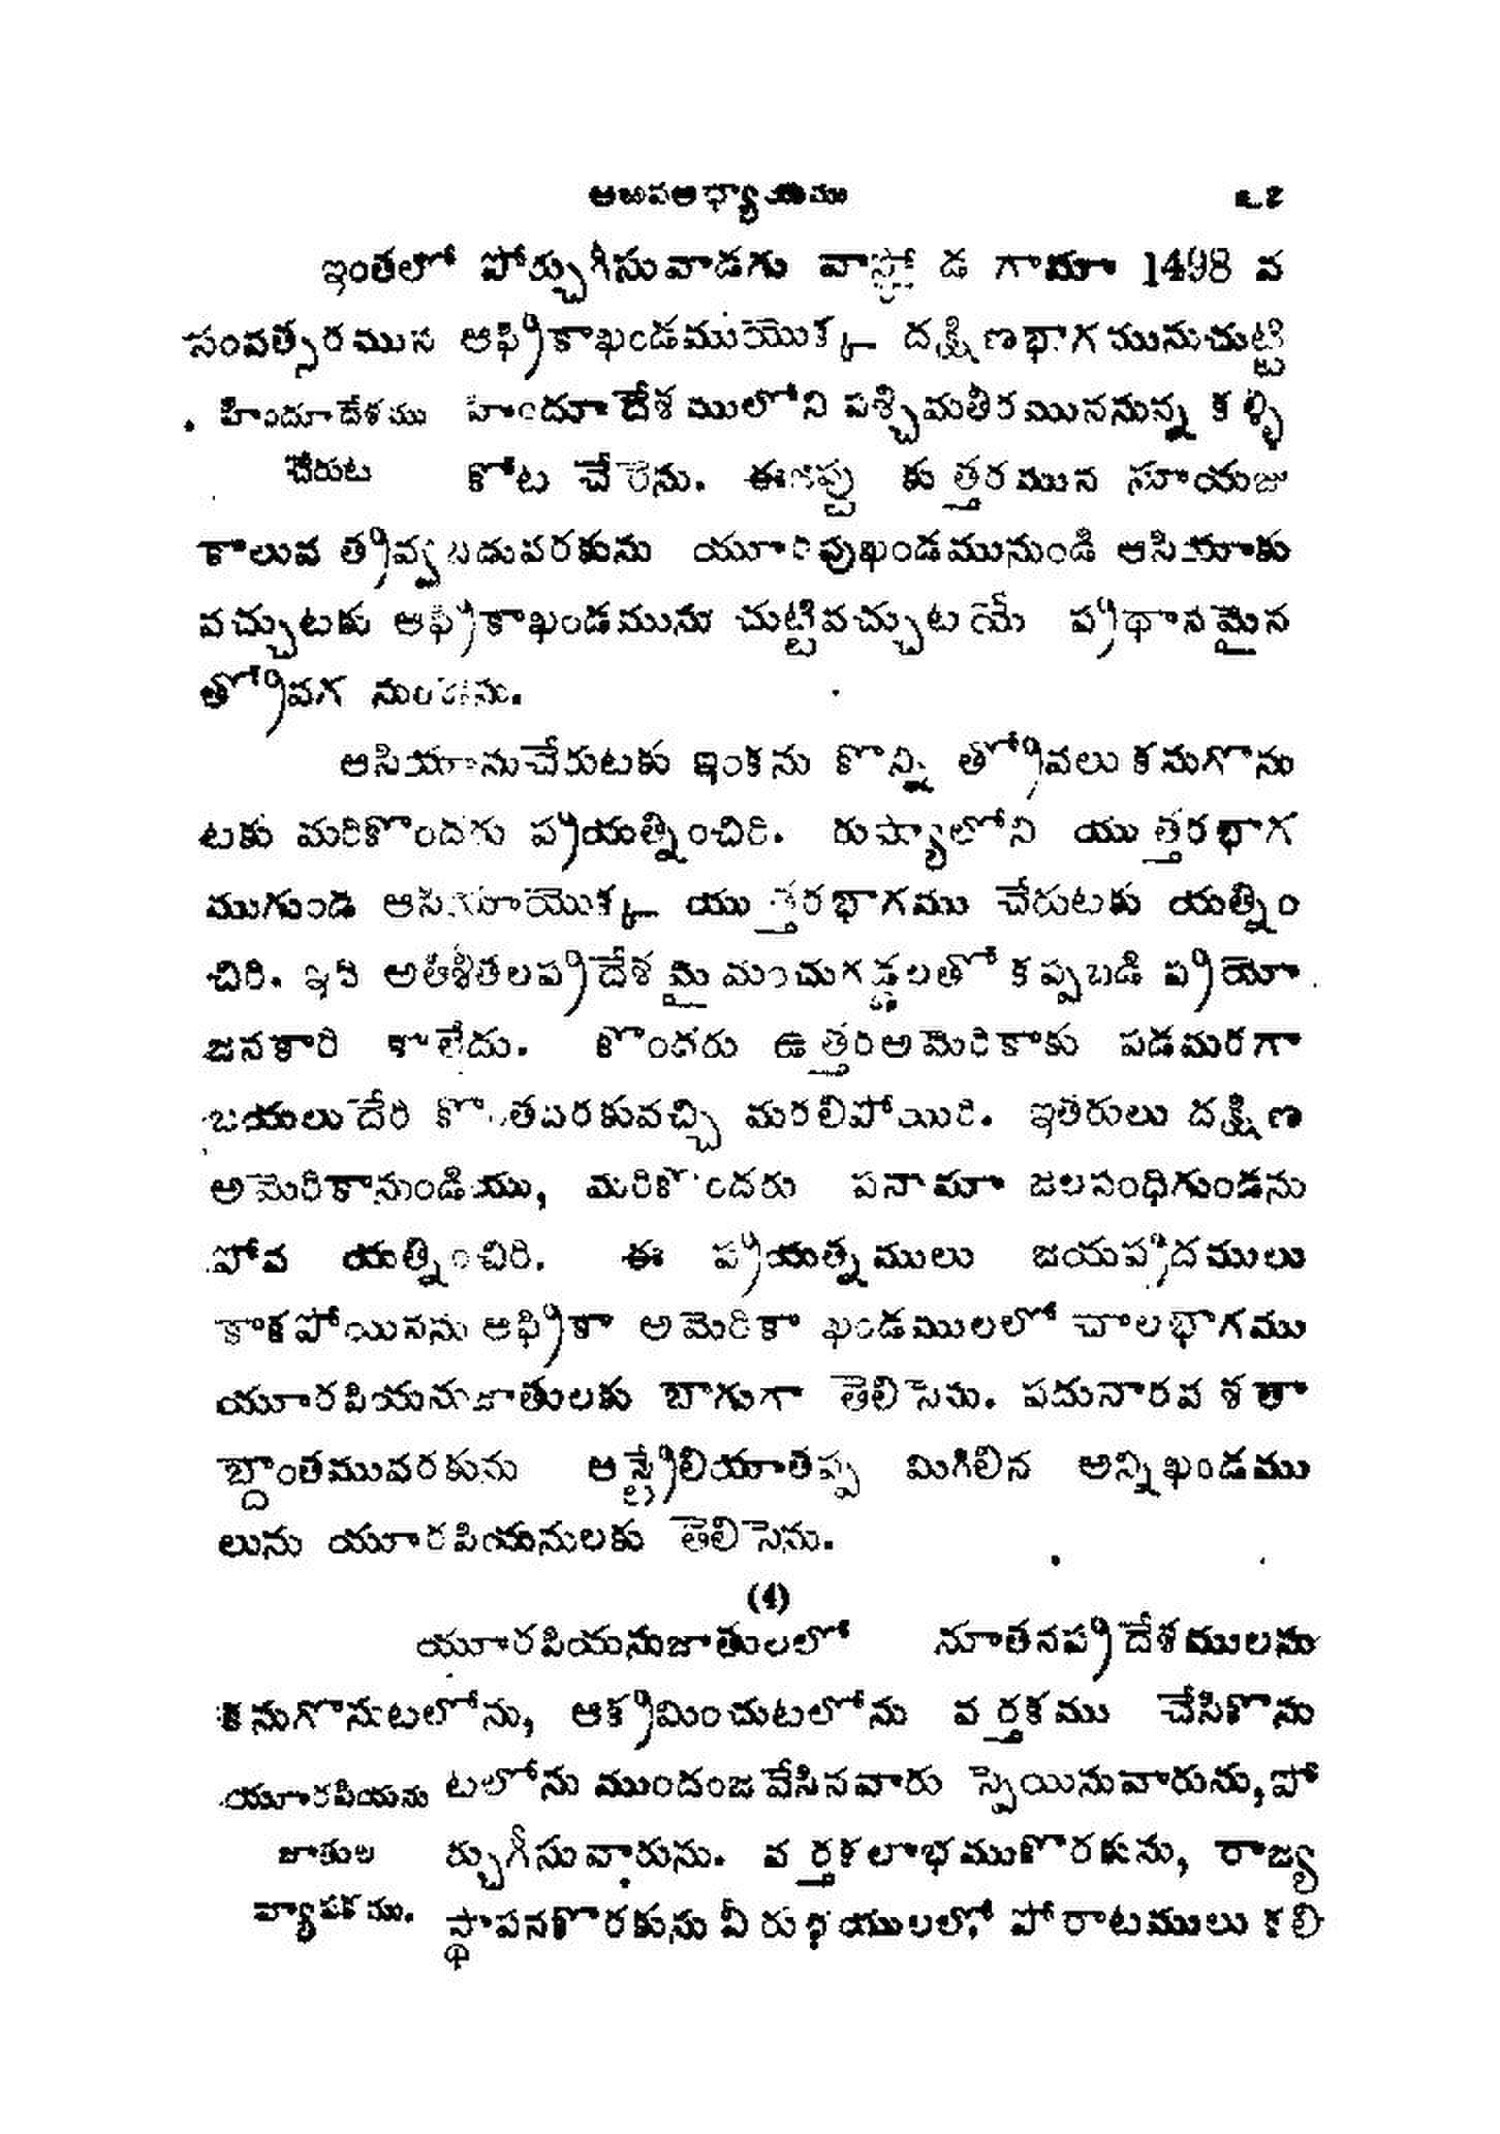హిందూ దేశము 
చేరుట

ఇంతలో పోర్చుగీసువాడగు వాస్కోడ గామా 1498 వ
సంవత్సరమున ఆఫ్రికాఖండము యొక్క దక్షిణ భాగమును చుట్టి
హిందూ దేశములోని పశ్చిమతీర మనసున్న కళ్ళికోట చేరెను. 
ఈప్టు కుత్తరమున సూయజు కాలువ తవ్వబడు వరకును యూర పుఖండమునుండి
ఆసి.కూకు వచ్చుటకు ఆఫ్రికా ఖండమును చుట్టివచ్చుటయే ప్రధానమైన
త్రోవగ నుండెను.

ఆసియాను చేరుటకు ఇంకను కొన్ని త్రోవలు కనుగొను
టకు మరికొందరు ప్రయత్నించిరి. రుష్యాలోని యుత్తరభాగ
ముగుండ ఆసియా యొక్క యుత్తర భాగము చేరుటకు యత్నిం
చిరి. ఇది అతిశీతల ప్రదేశమై మచుగడ్డలతో కప్పబడి ప్రయో,
కారి కాలేదు. కొందరు ఉత్తర అమెరికాకు పడమరగా
బయలు దేరి కొంతవర కువచ్చి మరలిపోయిరి. ఇతరులు దక్షిణ
అమెరికా నుండియు, మరికొందరు పనామా జలసంధి గుండను
పోవ యత్నించిరి. ఈ ప్రయత్నములు జయప్రదములు
కాకపోయినను ఆఫ్రికా అమెరికా ఖండములలో చాలభాగము
యూరపియను జాతులకు బాగుగా తెలిసెను. పదునారవ శతా
బ్దాంతమువరకును ఆస్ట్రేలియా తప్ప మిగిలిన అన్ని ఖండము
లును యూరపియునులకు తెలిసెను.

యూరపియను
జాతులు
వ్యాపకము.
యూరపియనుజాతులలో నూతనప్రదేశములను
కనుగొనుటలోను, ఆక్రమించుటలోను వర్తకము చేసికొను
టలోను ముందంజ వేసినవారు స్పెయిను వారును,పో
ర్చుగీసు వారును. వర్తకలాభము కొరకును, రాజ్య
స్థాపనకొరకును వీరుభయులలో పోరాటములు కలి